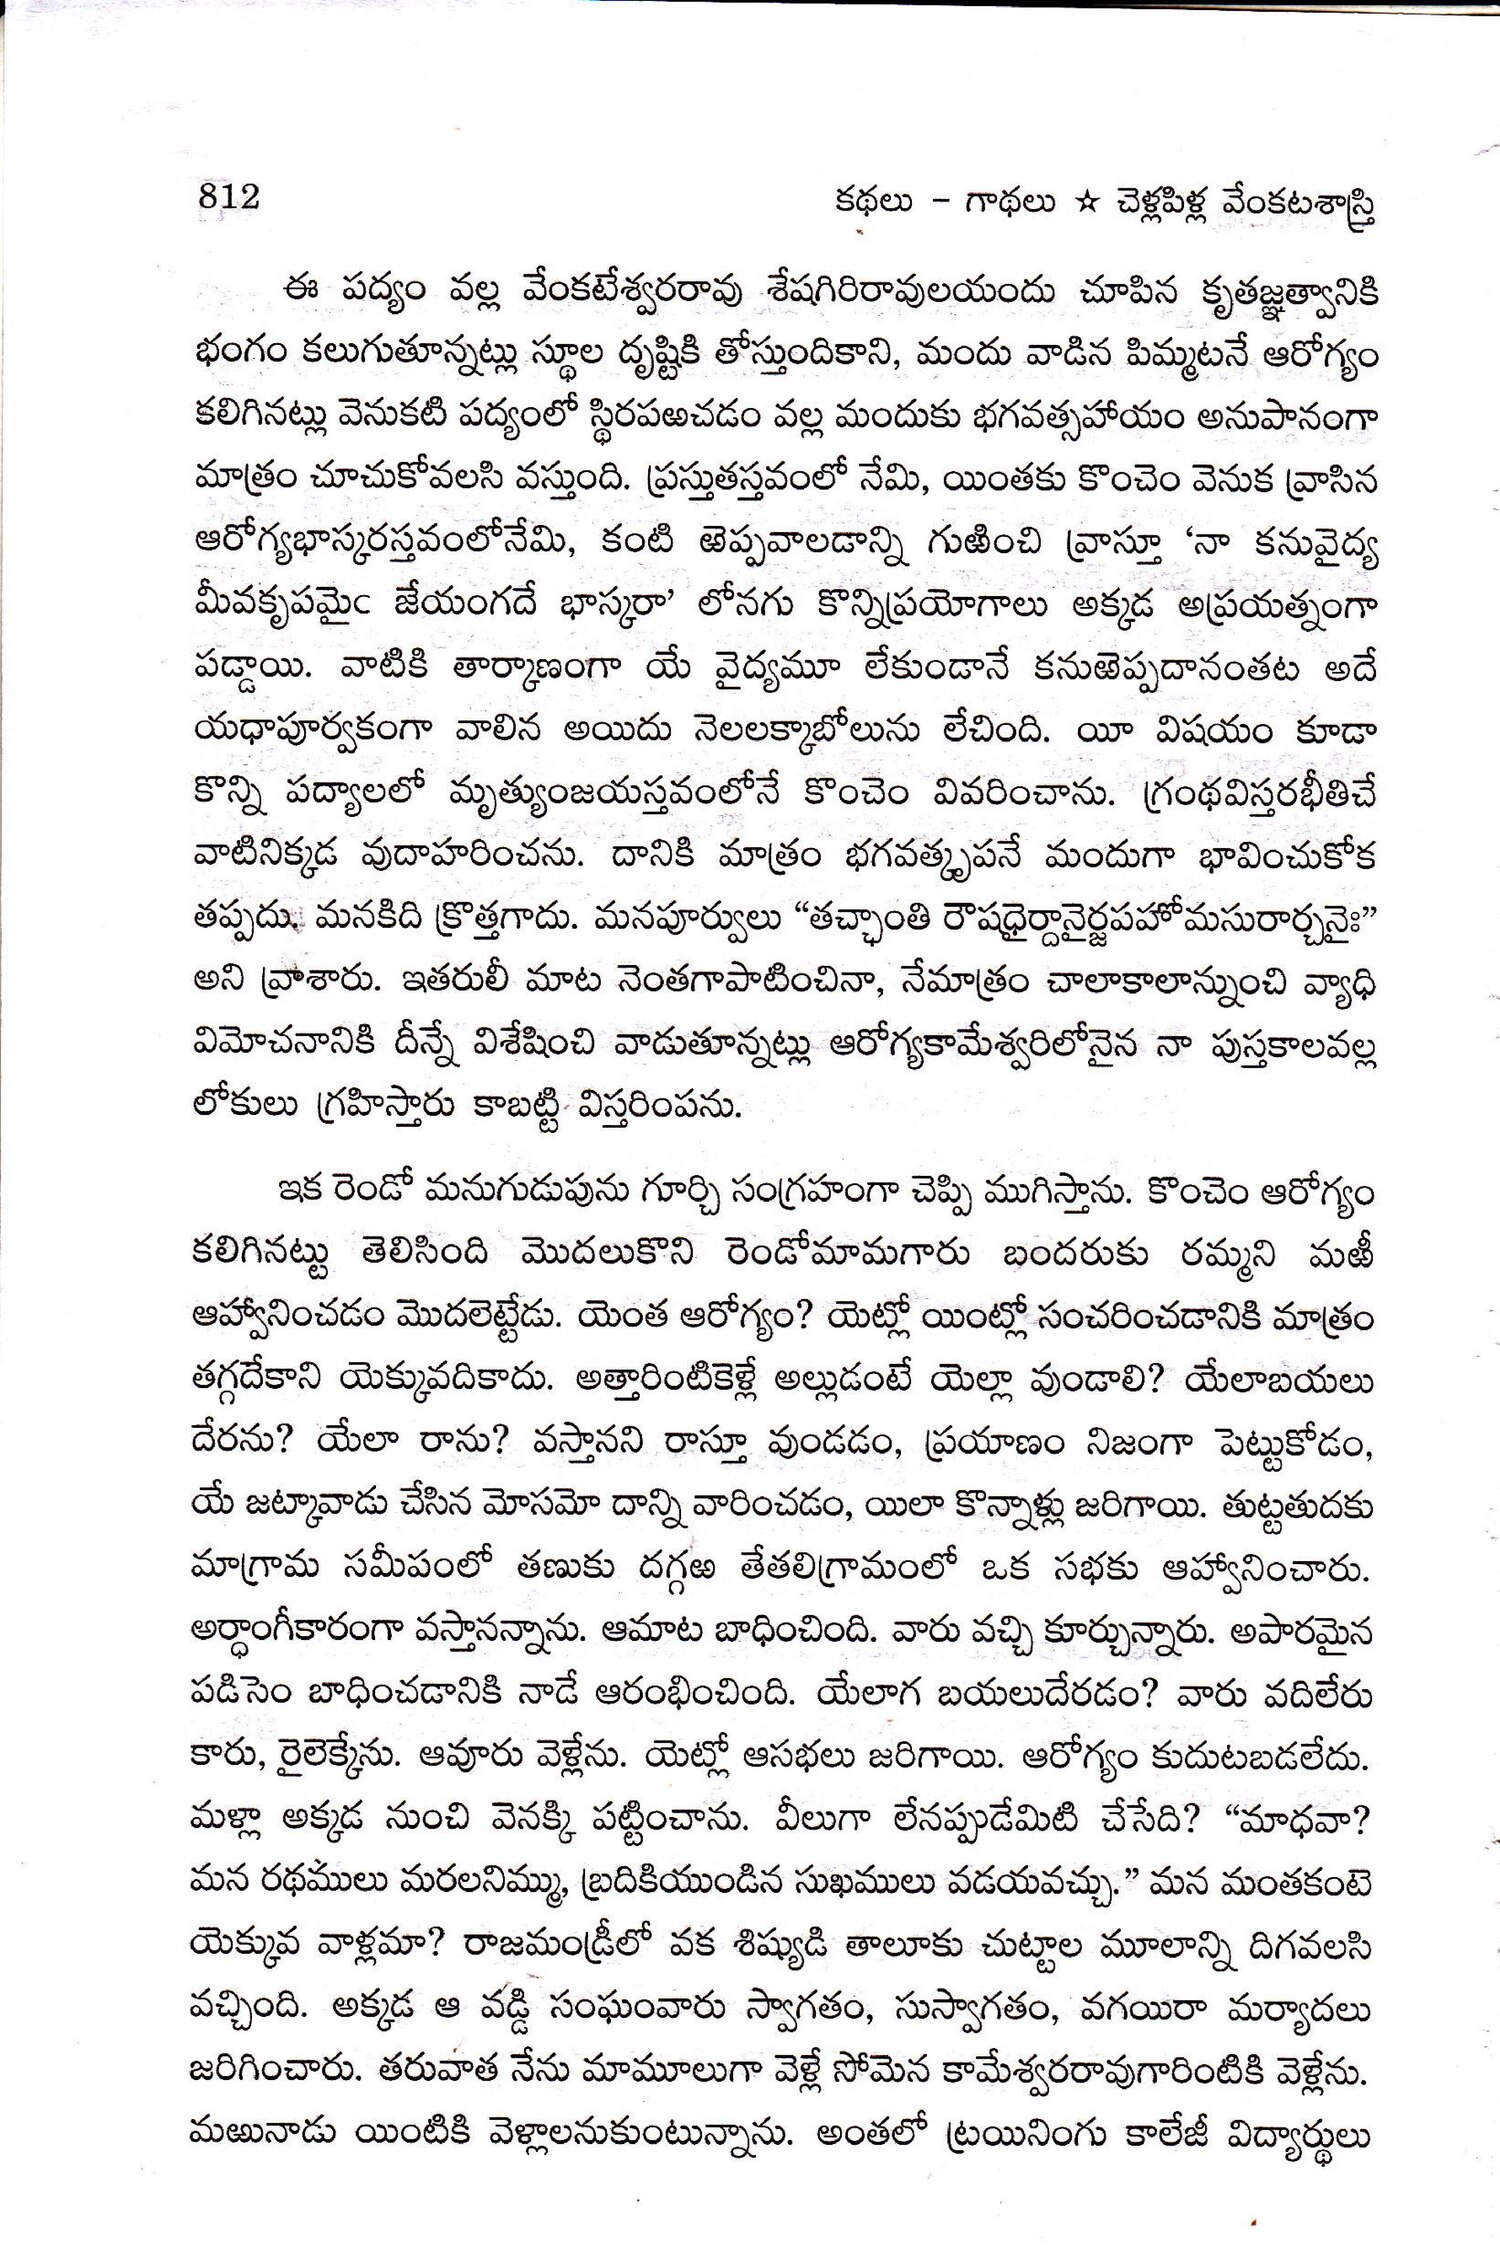ఈ పద్యం వల్ల వేంకటేశ్వరరావు శేషగిరిరావులయందు చూపిన కృతజ్ఞత్వానికి భంగం కలుగుతూన్నట్లు స్థూల దృష్టికి తోస్తుందికాని, మందు వాడిన పిమ్మటనే ఆరోగ్యం కలిగినట్లు వెనుకటి పద్యంలో స్థిరపఱచడం వల్ల మందుకు భగవత్సహాయం అనుపానంగా మాత్రం చూచుకోవలసి వస్తుంది. ప్రస్తుతస్తవంలో నేమి, యింతకు కొంచెం వెనుక వ్రాసిన ఆరోగ్యభాస్కరస్తవంలోనేమి, కంటి ఱెప్పవాలడాన్ని గుఱించి వ్రాస్తూ 'నా కనువైద్య మీవకృపమైఁ జేయంగదే భాస్కరా' లోనగు కొన్నిప్రయోగాలు అక్కడ అప్రయత్నంగా పడ్డాయి. వాటికి తార్కాణంగా యే వైద్యమూ లేకుండానే కనుఱెప్పదానంతట అదే యధాపూర్వకంగా వాలిన అయిదు నెలలక్కాబోలును లేచింది. యీ విషయం కూడా కొన్ని పద్యాలలో మృత్యుంజయస్తవంలోనే కొంచెం వివరించాను. గ్రంథవిస్తరభీతిచే వాటినిక్కడ వుదాహరించను. దానికి మాత్రం భగవత్కృపనే మందుగా భావించుకోక తప్పదు. మనకిది క్రొత్తగాదు. మనపూర్వులు "తచ్ఛాంతి రౌషధైర్దానైర్జపహోమసురార్చనైః" అని వ్రాశారు. ఇతరులీ మాట నెంతగాపాటించినా, నేమాత్రం చాలాకాలాన్నుంచి వ్యాధి విమోచనానికి దీన్నే విశేషించి వాడుతూన్నట్లు ఆరోగ్యకామేశ్వరిలోనైన నా పుస్తకాలవల్ల లోకులు గ్రహిస్తారు కాబట్టి విస్తరింపను.

ఇక రెండో మనుగుడుపును గూర్చి సంగ్రహంగా చెప్పి ముగిస్తాను. కొంచెం ఆరోగ్యం కలిగినట్టు తెలిసింది మొదలుకొని రెండోమామగారు బందరుకు రమ్మని మఱీ ఆహ్వానించడం మొదలెట్టేడు. యెంత ఆరోగ్యం? యెట్లో యింట్లో సంచరించడానికి మాత్రం తగ్గదేకాని యెక్కువదికాదు. అత్తారింటికెళ్లే అల్లుడంటే యెల్లా వుండాలి? యేలాబయలు దేరను? యేలా రాను? వస్తానని రాస్తూ వుండడం, ప్రయాణం నిజంగా పెట్టుకోడం, యే జట్కావాడు చేసిన మోసమో దాన్ని వారించడం, యిలా కొన్నాళ్లు జరిగాయి. తుట్టతుదకు మాగ్రామ సమీపంలో తణుకు దగ్గఱ తేతలిగ్రామంలో ఒక సభకు ఆహ్వానించారు. అర్ధాంగీకారంగా వస్తానన్నాను. ఆమాట బాధించింది. వారు వచ్చి కూర్చున్నారు. అపారమైన పడిసెం బాధించడానికి నాడే ఆరంభించింది. యేలాగ బయలుదేరడం? వారు వదిలేరు కారు, రైలెక్కేను. ఆవూరు వెళ్లేను. యెట్లో ఆసభలు జరిగాయి. ఆరోగ్యం కుదుటబడలేదు. మళ్లా అక్కడ నుంచి వెనక్కి పట్టించాను. వీలుగా లేనప్పుడేమిటి చేసేది? “మాధవా? మన రథములు మరలనిమ్ము, బ్రదికియుండిన సుఖములు వడయవచ్చు" మన మంతకంటె యెక్కువ వాళ్లమా? రాజమండ్రీలో వక శిష్యుడి తాలూకు చుట్టాల మూలాన్ని దిగవలసి వచ్చింది. అక్కడ ఆ వడ్డి సంఘంవారు స్వాగతం, సుస్వాగతం, వగయిరా మర్యాదలు జరిగించారు. తరువాత నేను మామూలుగా వెళ్లే సోమెన కామేశ్వరరావుగారింటికి వెళ్లేను. మఱునాడు యింటికి వెళ్లాలనుకుంటున్నాను. అంతలో ట్రయినింగు కాలేజీ విద్యార్థులు